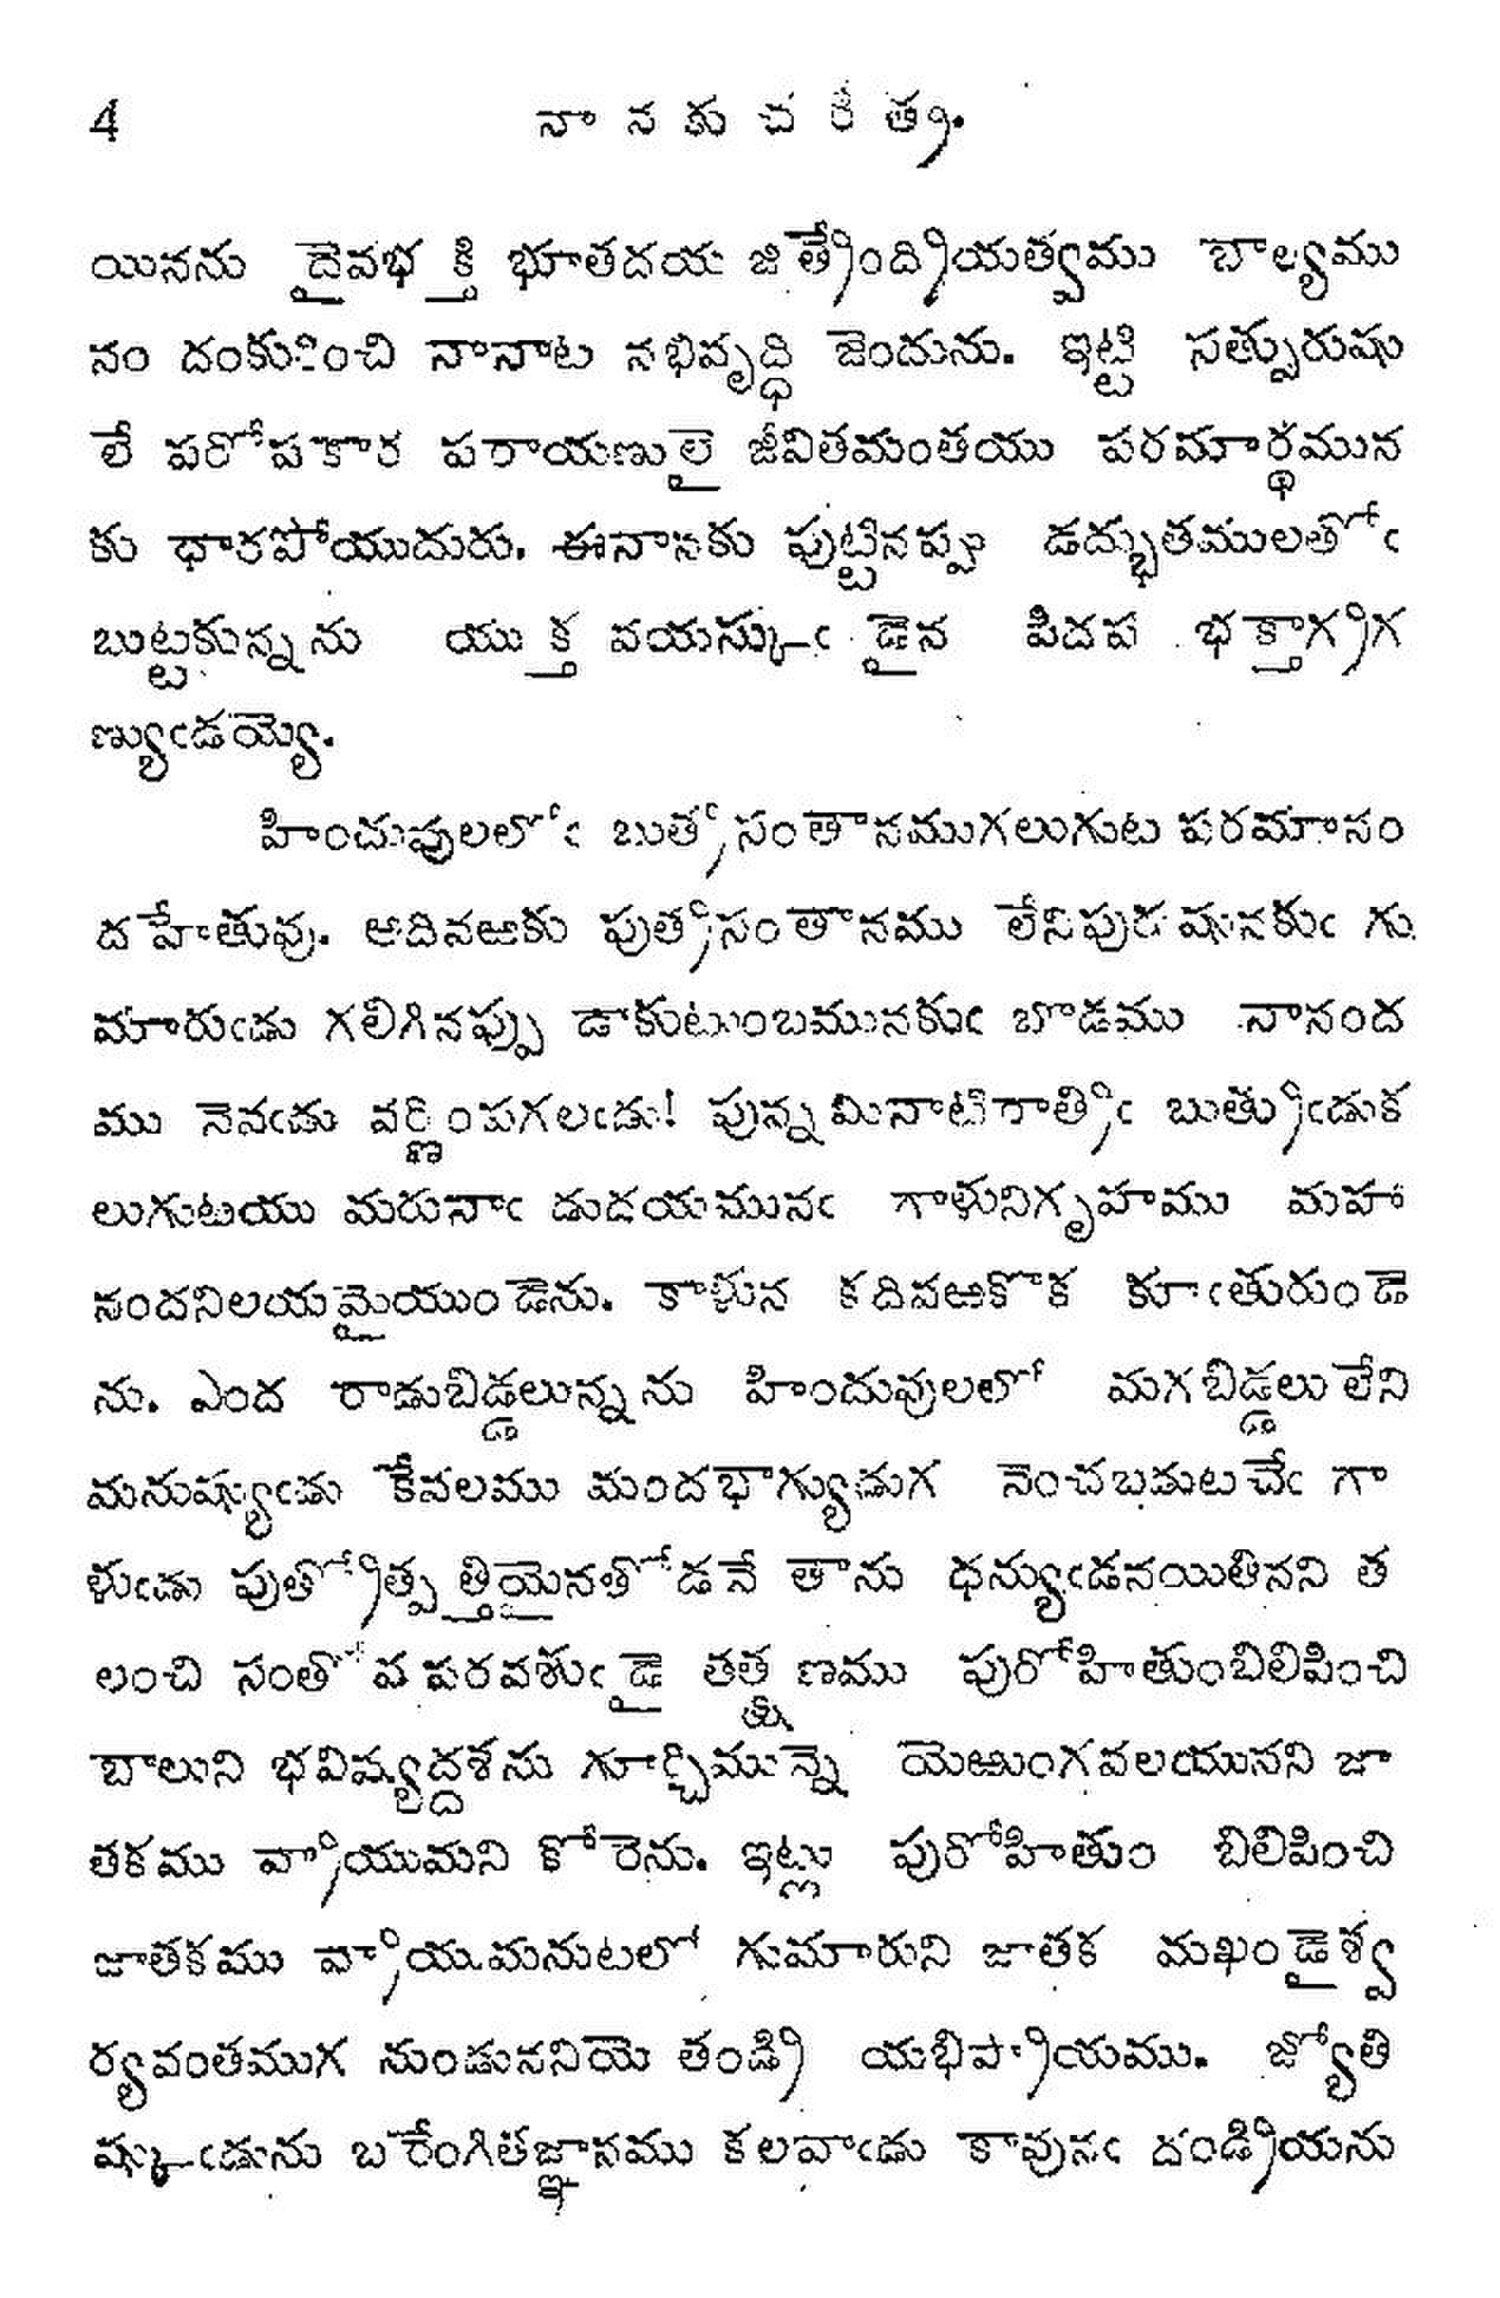యినను దైవభక్తి భూతదయ జిత్రేంద్రియత్వము బాల్యమునం దంకురించి నానాట నభివృద్ధి జెందును. ఇట్టి సత్పురుషులే పరోపకార పరాయణులై జీవితమంతయు పరమార్థమునకు ధారపోయుదురు. ఈనానకు పుట్టినప్పు డద్భుతములతో బుట్టకున్నను యుక్త వయస్కు డైన పిదప భక్తాగ్రగణ్యుడయ్యె.

హిందువులలో బుత్రసంతానముగలుగుట పరమానందహేతువు. అదివఱకు పుత్రసంతానము లేని పురుషునకు గుమారుడు గలిగినప్పు డాకుటుంబమునకు బొడము నానందము నెవడు వర్ణింపగలడు! పున్నమినాటిరాత్రి బుత్రుడుకలుగుటయు మరనా డుదయమున గాళునిగృహము మహానందనిలయమైయుండెను. కాళున కదివఱకొక కూతురుండెను. ఎంద రాడుబిడ్డలున్నను హిందువులలో మగబిడ్డలులేని మనుష్యుడు కేవలము మందభాగ్యుడుగ నెంచబడుటచే గాళుడు పుత్రోత్పత్తియైనతోడనే తాను ధన్యుడనయితినని తలంచి సంతోషపరవశుడై తక్షణము పురోహితుంబిలిపించి బాలుని భవిష్యద్దశను గూర్చిమున్నె యెఱుంగవలయునని జాతకము వ్రాయుమని కోరెను. ఇట్లు పురోహితుం బిలిపించి జాతకము వ్రాయుమనుటలో గుమారుని జాతక మఖండైశ్వర్యవంతముగ నుండుననియె తండ్రి యభిప్రాయము. జ్యోతిష్కుడును బరేంగితజ్ఞానము కలవాడు కావున దండ్రియను